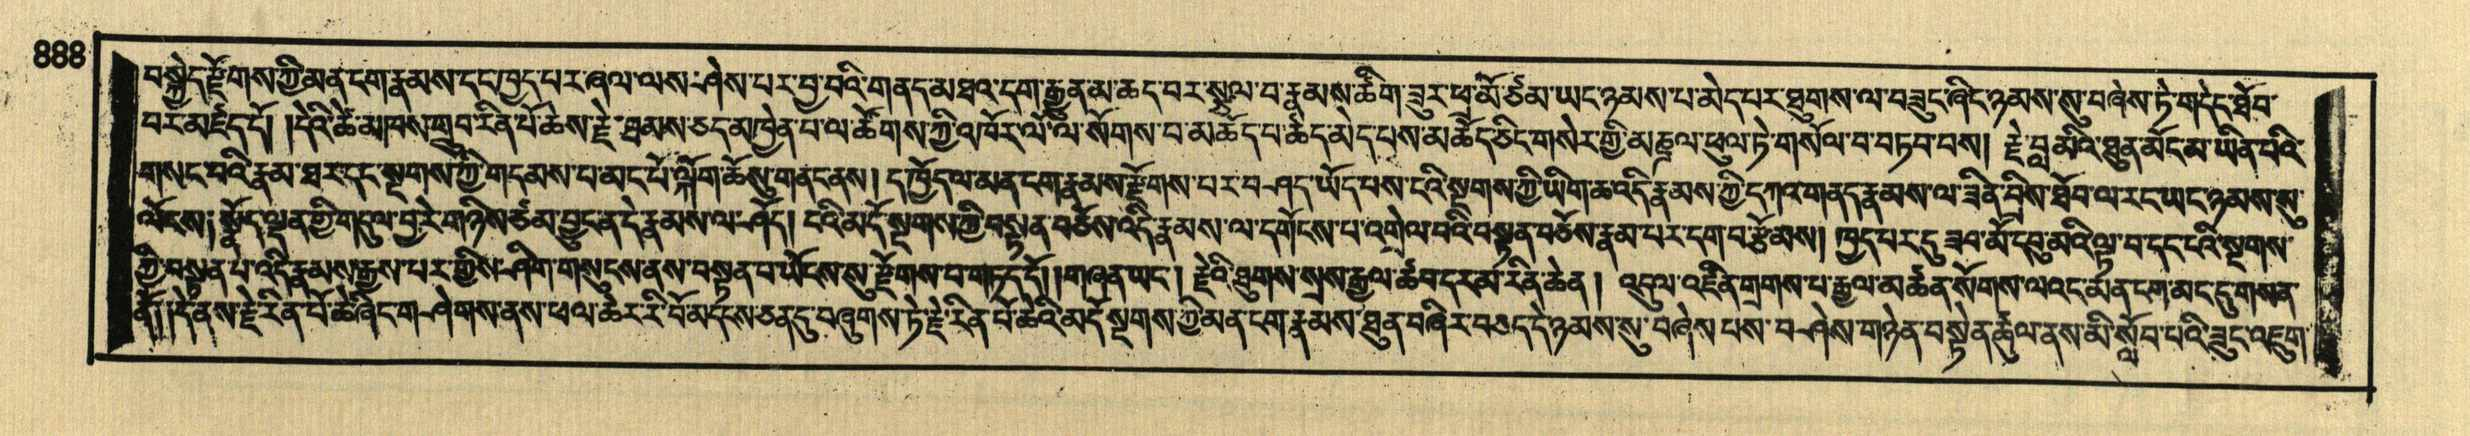བསྐྱེད་རྫོགས་ཀྱི་མན་ངག་རྣམས་དང་ཁྱད་པར་ཞལ་ལས་ཤེས་པར་བྱ་བའི་གནད་མཐའ་དག་རྒྱུན་མ་ཆད་པར་སྩལ་བ་རྣམས་ཚིག་ཟུར་ཕྲ་མོ་ཙམ་ཡང་ཉམས་པ་མེད་པར་ཐུགས་ལ་བཟུང་ཞིང་ཉམས་སུ་བཞེས་ཏེ་གདེང་ཐོབ་
བར་མཛད་དོ། །དེའི་ཚེ་མཁས་གྲུབ་རིན་པོ་ཆེས་རྗེ་ཐམས་ཅད་མཁྱེན་པ་ལ་ཚོགས་ཀྱི་འཁོར་ལོ་ལ་སོགས་པ་མཆོད་པ་ཚད་མེད་པས་མཆོད་ཅིང་གསེར་གྱི་མཎྜལ་ཕུལ་ཏེ་གསོལ་བ་བཏབ་བས། རྗེ་བླ་མའི་ཐུན་མོང་མ་ཡིན་པའི་
གསང་བའི་རྣམ་ཐར་དང་སྔགས་ཀྱི་གདམས་པ་མང་པོ་ལྐོག་ཆོ་སུ་གནང་ནས། ད་ཁྱོད་ལ་མན་ངག་རྣམས་རྫོགས་པར་བཤད་ཡོད་པས་ངའི་སྔགས་ཀྱི་ཡིག་ཆ་འདི་རྣམས་ཀྱི་དཀའ་གནད་རྣམས་ལ་ཟིན་བྲིས་ཐོབ་ལ་རང་ཡང་ཉམས་སུ་
ལོངས༑ སྣོད་ལྡན་གྱི་གདུལ་བྱ་རེ་གཉིས་ཙམ་བྱུང་ན་དེ་རྣམས་ལ་ཤོད། ངའི་མདོ་སྔགས་ཀྱི་བསྟན་བཅོས་འདི་རྣམས་ལ་དགོངས་པ་འགྲེལ་བའི་བསྟན་བཅོས་རྣམ་པར་དག་བ་རྩོམས། ཁྱད་པར་དུ་ཟབ་མོ་དབུ་མའི་ལྟ་བ་དང་ངའི་སྔགས་
ཀྱི་བསྟན་པ་འདི་རྣམས་རྒྱས་པར་གྱིས་ཤིག་གསུངས་ནས་བསྟན་པ་ཡོངས་སུ་རྫོགས་པ་གཏད་དོ། །གཞན་ཡང་། རྗེའི་ཐུགས་སྲས་རྒྱལ་ཚབ་དར་མ་རིན་ཆེན། འདུལ་འཛིན་གྲགས་པ་རྒྱལ་མཚན་སོགས་ལའང་མན་ངག་མང་དུ་གསན་
ནོ༑ ༑དེ་ནས་རྗེ་རིན་པོ་ཆེ་ཞིང་གཤེགས་ནས་ཕལ་ཆེར་རི་བོ་མདངས་ཅན་དུ་བཞུགས་ཏེ་རྗེ་རིན་པོ་ཆེའི་མདོ་སྔགས་ཀྱི་མན་ངག་རྣམས་ཐུན་བཞིར་བཅད་དེ་ཉམས་སུ་བཞེས་པས་བཤེས་གཉེན་བསྟེན་ཚུལ་ནས་མི་སློབ་པའི་ཟུང་འཇུག་